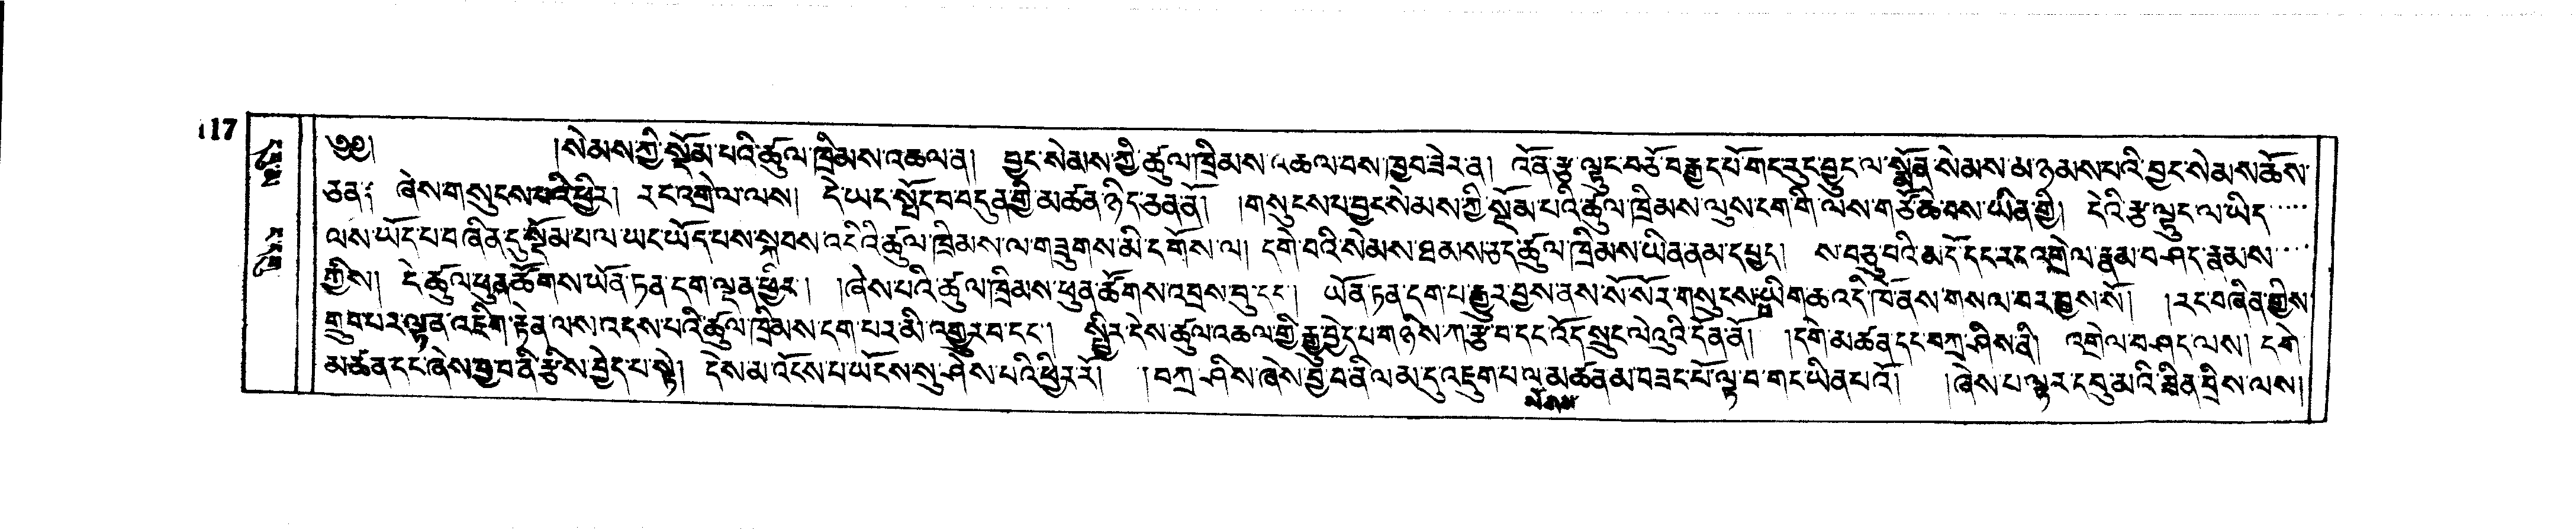༄༅། །སེམས་ཀྱི་སྡོམ་པའི་ཚུལ་ཁྲིམས་འཆལ་ན། བྱང་སེམས་ཀྱི་ཚུལ་ཁྲིམས་འཆལ་བས་ཁྱབ་ཟེར་ན། འོ་ན་རྩ་ལྟུང་བཅོ་བརྒྱད་པོ་གང་རུང་བྱུང་ལ་སྨོན་སེམས་མ་ཉམས་པའི་བྱང་སེམས་ཆོས་
ཅན། ཞེས་གསུངས་པའི་ཕྱིར། རང་འགྲེལ་ལས། དེ་ཡང་སྤོང་བ་བདུན་གྱི་མཚན་ཉིད་ཅན་ནོ། །གསུངས་པ་བྱང་སེམས་ཀྱི་སྡོམ་པའི་ཚུལ་ཁྲིམས་ལུས་ངག་གི་ལས་གཙོ་ཆེ་བས་ཡིན་གྱི། དེའི་རྩ་ལྟུང་ལ་ཡིད་
ལས་ཡོད་པ་བཞིན་དུ་སྡོམ་པ་ལ་ཡང་ཡོད་པས་སྐབས་འདིའི་ཚུལ་ཁྲིམས་ལ་གཟུགས་མི་དགོས་ལ། དགེ་བའི་སེམས་ཐམས་ཅད་ཚུལ་ཁྲིམས་ཡིན་ནམ་དཔྱད། ས་བཅུ་པའི་མདོ་དང་རང་འགྲེལ་རྣམ་བཤད་རྣམས་
ཀྱིས། དེ་ཚུལ་ཕུན་ཚོགས་ཡོན་ཏན་དག་ལྡན་ཕྱིར། །ཞེས་པའི་ཚུལ་ཁྲིམས་ཕུན་ཚོགས་འབྲས་བུ་དང་། ཡོན་ཏན་དག་པ་རྒྱུར་བྱས་ནས་སོ་སོར་གསུངས་པ་ཡིག་ཆ་འདི་ཁོ་ནས་གསལ་བར་བྱས་སོ། །རང་བཞིན་གྱིས་
གྲུབ་པར་ལྟ་ན་འཇིག་རྟེན་ལས་འདས་པའི་ཚུལ་ཁྲིམས་དག་པར་མི་འགྱུར་བ་དང་། སྤྱིར་དེས་ཚུལ་འཆལ་གྱི་རྒྱུ་བྱེད་པ་གཉིས་ཀ་རྩ་བ་དང་འོད་སྲུང་ལེའུའི་དོན་ནོ། །དགེ་མཚན་དང་བཀྲ་ཤིས་ནི། འགྲེལ་བཤད་ལས། དགེ་
མཚན་དང་ཞེས་བྱ་བ་ནི་རྩིས་བྱེད་པ་སྟེ། དེས་མ་འོངས་པ་ཡོངས་སུ་ཤེས་པའི་ཕྱིར་རོ། །བཀྲ་ཤིས་ཞེས་བྱ་བ་ནི་ལམ་དུ་འཇུག་པ་ལ་སོགས་མཚན་མ་བཟང་པོ་ལྟ་བ་གང་ཡིན་པའོ། །ཞེས་པ་ལྟར་དབུ་མའི་ཟིན་བྲིས་ལས།